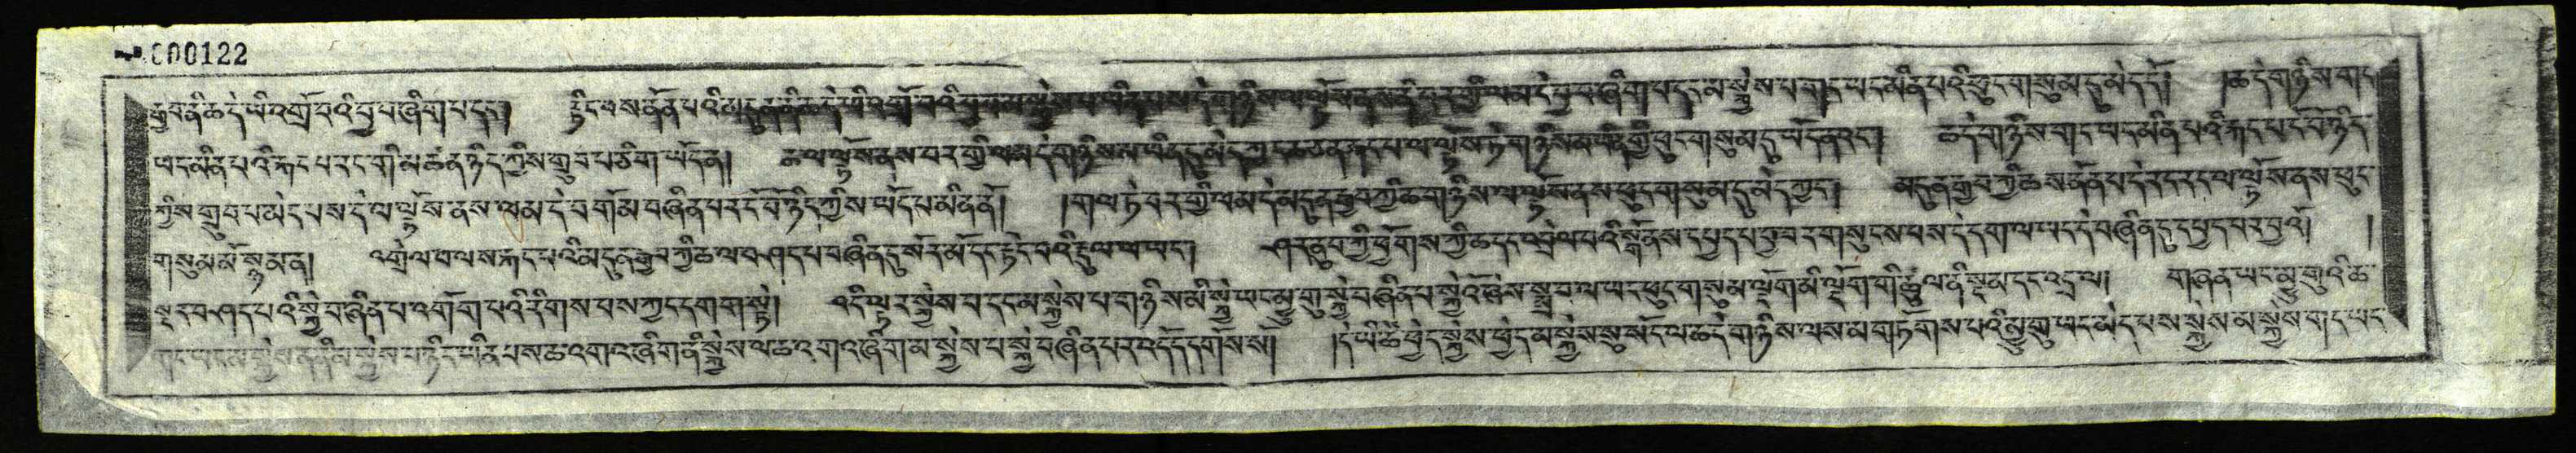རྒྱབ་ནི་ཆ་དེ་ཡི་འགྲོ་བའི་བྱ་བ་ཞིག་པ་དང་། རྟིང་བས་ནོན་པའི་མདུན་ནི་ཆ་དེ་ཡི་འགྲོ་བའི་བྱ་བ་མ་སྐྱེས་པ་ཡིན་པས་དེ་གཉིས་ལ་ལྟོས་ནས་ནི་བྱར་གྱི་ལམ་དེ་བྱ་བ་ཞིག་པ་དང་མ་སྐྱེས་པ་གང་ཡང་མིན་པའི་ཕུང་གསུམ་དུ་མེད་དོ། །ཆ་དེ་གཉིས་གང་
ཡང་མིན་པའི་རྐང་པ་རང་གི་མཚན་ཉིད་ཀྱིས་གྲུབ་པ་ཅིག་ཡོད་ན། ཆ་ལ་ལྟོས་ནས་བར་གྱི་ལམ་དེ་གཉིས་མ་ཡིན་དུ་མེད་ཀྱང་ཆ་ཅན་རྐང་པ་ལ་ལྟོས་ཏེ་གཉིས་མ་ཡིན་གྱི་ཕུང་གསུམ་དུ་ཡོད་ནའང་། ཆ་དེ་གཉིས་གང་ཡང་མིན་པའི་རྐང་པ་ངོ་བོ་ཉིད་
ཀྱིས་གྲུབ་པ་མེད་པས་དེ་ལ་ལྟོས་ནས་ལམ་དེ་བགོམ་བཞིན་པར་ངོ་བོ་ཉིད་ཀྱིས་ཡོད་པ་མིན་ནོ། །གལ་ཏེ་བར་གྱི་ལམ་དེ་མདུན་རྒྱབ་ཀྱི་ཆ་གཉིས་ལ་ལྟོས་ནས་ཕུང་གསུམ་དུ་མེད་ཀྱང་། མདུན་རྒྱབ་ཀྱི་ཆས་ནོན་པ་དེ་རང་རང་ལ་ལྟོས་ནས་ཕུང་
གསུམ་མོ་སྙམ་ན། འགྲེལ་བ་ལས་རྐང་པའི་མདུན་རྒྱབ་ཀྱི་ཆ་ལ་བཤད་པ་བཞིན་དུ་སོར་མོ་དང་རྟིང་བའི་རྡུལ་ལ་ཡང་། ཤར་ནུབ་ཀྱི་ཕྱོགས་ཀྱི་ཆ་དང་འབྲེལ་བའི་སྒོ་ནས་དཔྱད་པ་བྱ་བར་གསུངས་པས་དེ་དག་ལ་ཡང་དེ་བཞིན་དུ་དཔྱད་པར་བྱའོ། །
སྔར་བཤད་པའི་སྐྱེ་བཞིན་པ་འགོག་པའི་རིགས་པས་ཀྱང་དགག་སྟེ། འདི་ལྟར་སྐྱེས་པ་དང་མ་སྐྱེས་པ་གཉིས་མི་སྐྱེ་ཡང་མྱུ་གུ་སྐྱེ་བཞིན་པ་སྐྱེའོ་ཞེས་སྨྲ་བ་ལ་ཡང་ཕུང་གསུམ་ལྡོག་གི་ཚུལ་ནི་སྔ་མ་དང་འདྲ་ལ། གཞན་ཡང་མྱུ་གུའི་ཆ་
གང་ཡང་མ་སྐྱེས་ན་ནི་མ་སྐྱེས་པ་ཉིད་ཡིན་པས་ཆ་འགའ་ཞིག་ནི་སྐྱེས་ལ་ཆ་འགའ་ཞིག་མ་སྐྱེས་པ་སྐྱེ་བཞིན་པར་འདོད་དགོས་སོ། །དེ་ཡི་ཚེ་ཕྱེད་སྐྱེས་ཕྱེད་མ་སྐྱེས་སུ་སོང་ལ་ཆ་དེ་གཉིས་ལས་མ་གཏོགས་པའི་མྱུ་གུ་ཡང་མེད་པས་སྐྱེས་མ་སྐྱེས་གང་ཡང་